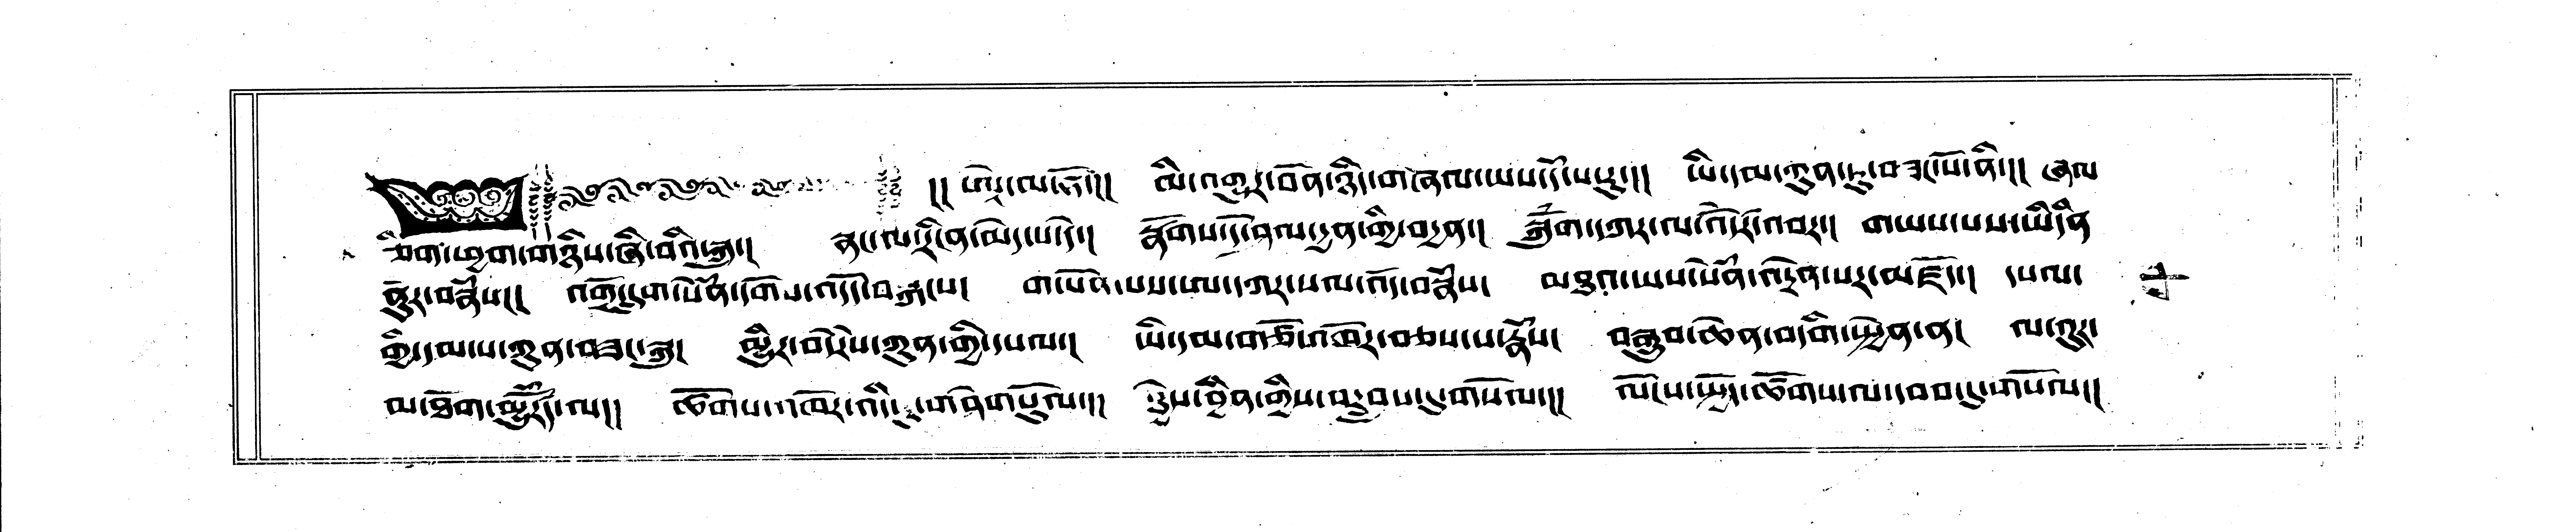༄༅༅། །།ཨེ་མ་ཧོ།། མི་འགྱུར་བོན་ཉིད་གཞལ་ཡས་དམ་པ་རུ། ཡི་དམ་ཀུན་ཏུ་བཟང་པོ་ནི།། ཞལ་
གཅིག་ཕྱག་གཉིས་ཞི་བའི་སྐུ། སྣང་ལ་རང་བཞིན་མེད་པ་དེ། སྣ་ཚོགས་དོ་ཤལ་རྒྱན་གྱིས་བརྒྱན། སྐུ་མདོག་དཀར་ལ་འོད་ཟེར་འབར། གཡས་པས་ཡིད་བཞིན་
ནོར་བུ་བསྣམས། འགྲོ་དྲུག་སེམས་ཅན་དགོས་འདོད་བསྐངས། གཡོན་པས་ཨ་དཀར་སལ་འོད་བསྣམས། མཐའ་ཡས་སེམས་ཅན་འདྲེན་པར་མཛོད། དཔལ་
གྱི་དམ་པ་ཀུན་བཟང་སྐུ། མི་འགྱུར་བདེར་གཤེགས་ཀུན་གྱི་དཔལ། ཡི་དམ་གཙོ་འཁོར་བཅས་པ་རྣམས། བསྒྲུབ་ཆེན་བདག་གིས་སྤྱན་འདྲེན་ན། ལ་འུར་
མ་ཐོག་མྱུར་མཛོད་ལ། ཚོགས་འཁོར་འདི་རུ་གཤེགས་སུ་གསོལ། ཐུགས་རྗེ་བྱིན་གྱིས་བརླབས་དུ་གསོལ།། ལོངས་སྤྱོད་ཚོགས་ལ་དབབ་དུ་གསོལ།།